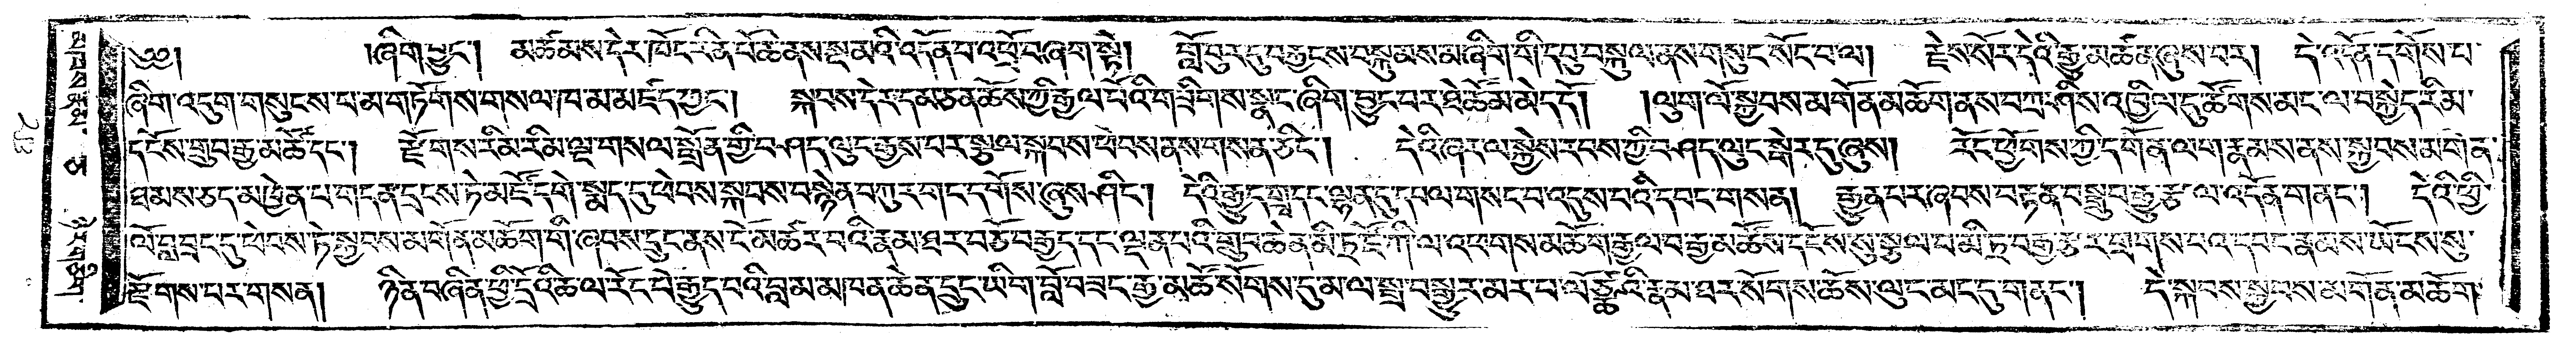༄༅། །ཞིག་བྱུང་། མཚམས་དེར་ཁོང་རིན་པོ་ཆེ་ནས་སྔ་མའི་འདོན་པ་འཕྲོ་བཞག་སྟེ། གློ་བུར་དུ་བརྐྱངས་བསྐུམས་མ་ཞིག་གི་དབུ་བསྐུལ་ནས་གསུང་སོང་བ་ལ། རྗེས་སོར་དེའི་རྒྱུ་མཚན་ཞུས་པར། དེ་འདོན་དགོས་པ་
ཞིག་འདུག་གསུངས་བ་མ་གཏོགས་གསལ་ཁ་མ་མཛད་ཀྱང་། སྐབས་དེར་དམ་ཅན་ཆོས་ཀྱི་རྒྱལ་པོའི་གཟིགས་སྣང་ཞིག་བྱུང་བར་ཐེ་ཚོམ་མེད་དོ། །ལུག་ལོ་སྐྱབས་མགོན་མཆོག་ནས་བཀྲ་ཤིས་འཁྱིལ་དུ་ཚོགས་མང་ལ་བསྐྱེད་རིམ་
དངོས་གྲུབ་རྒྱ་མཚོ་དང་། རྫོགས་རིམ་རིམ་ལྔ་གསལ་སྒྲོན་གྱི་བཤད་ལུང་རྒྱས་བར་སྩལ་སྐབས་ཕེབས་ནས་གསན་ཅིང་། དེའི་ཞར་ལ་སྐྱེས་རབས་ཀྱི་བཤད་ལུང་སྒེར་དུ་ཞུས། རོང་ཕྱོགས་ཀྱི་དགོན་ལག་རྣམས་ནས་སྐྱབས་མགོན་
ཐམས་ཅད་མཁྱེན་པ་གདན་དྲངས་ཏེ་མཛོ་དགེ་སྨད་དུ་ཕེབས་སྐབས་བསྙེན་བཀུར་གང་དགོས་ཞུས་ཤིང་། དེའི་རྒྱུད་གྲྭ་དང་ལྷན་དུ་དཔལ་གསང་བ་འདུས་པའི་དབང་གསན། རྒྱུན་པར་ཞབས་བརྟན་བསྒྲུབ་རྒྱུ་རྩལ་འདོན་གནང་། དེའི་ཕྱི་
ལོ་བླ་བྲང་དུ་ཕེབས་ཏེ་སྐྱབས་མགོན་མཆོག་གི་ཞབས་དྲུང་ནས་ངོ་མཚར་བའི་རྣམ་ཐར་བཅོ་བརྒྱད་དང་ལྡན་པའི་གྲུབ་ཆེན་མི་ཏྲ་ཛོ་ཀི་ལ་འཕགས་མཆོག་རྒྱལ་བ་རྒྱ་མཚོས་དངོས་སུ་སྩལ་བ་མི་ཏྲ་བརྒྱ་རྩར་གྲགས་བའ་དབང་རྣམས་ཡོངས་སུ་
རྫོགས་པར་གསན། ཉིན་བཞིན་ཕྱི་དྲོའི་ཆལ་རོང་པོ་རྒྱུད་བའི་བླ་མ་མཁན་ཆེན་དྲུང་ཡིག་བློ་བཟང་རྒྱ་མཚོ་སོགས་དུ་མ་ལ་སྒྲ་བསྒྱུར་མར་པ་ལོཙྪའི་རྣམ་ཐར་སོགས་ཆོས་ལུང་མང་དུ་གནང་། དེ་སྐབས་སྐྱབས་མགོན་མཆོག་